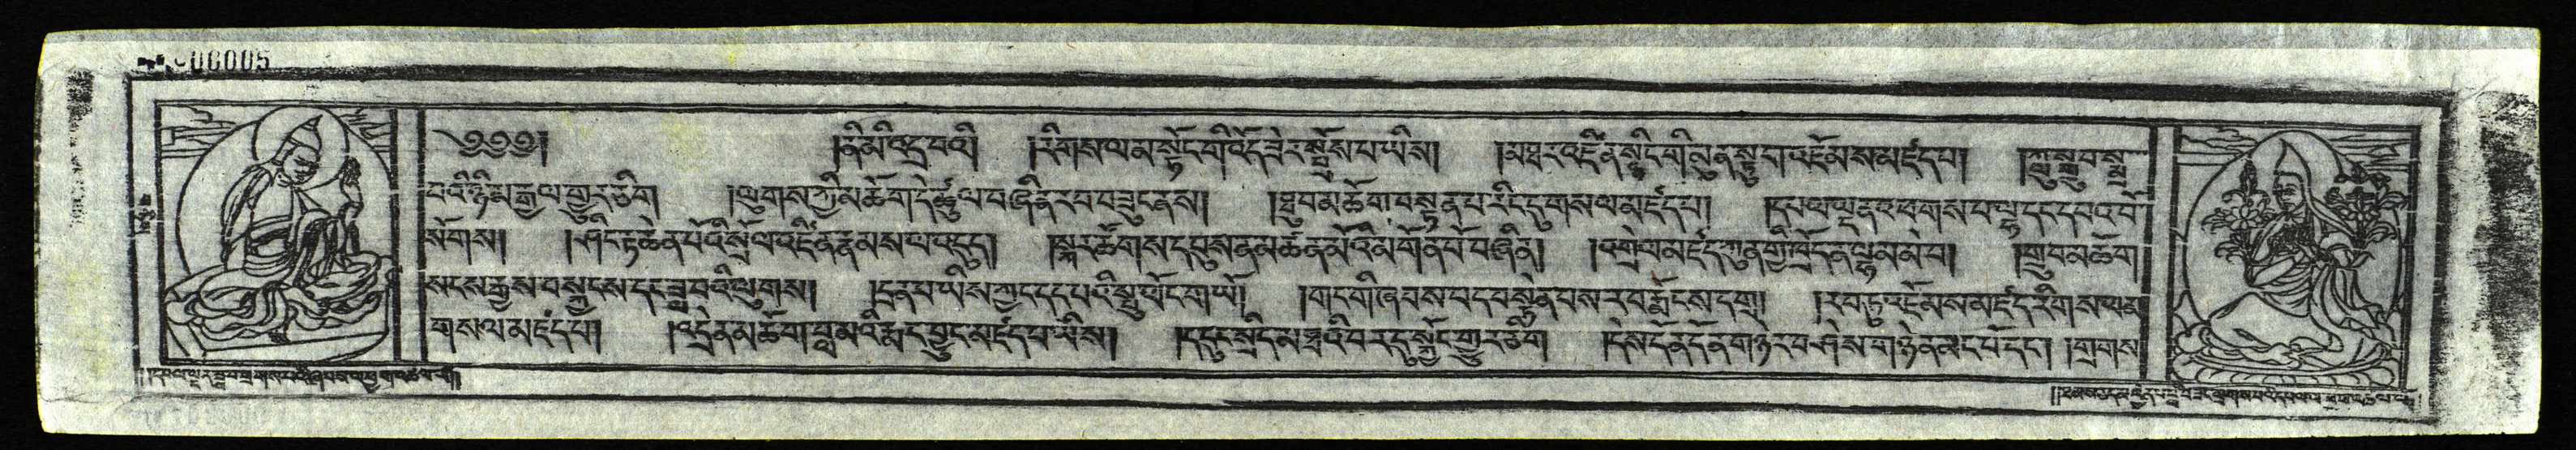༄༅༅། །ནི་མི་འདྲ་བའི། །རིགས་ལ་མ་སྟོང་གི་འོད་ཟེར་སྤྲོས་པ་ཡིས། །མཐར་འཛིན་སྙིང་གི་མུན་སྟུག་འཇོམས་མཛད་པ། །ཀླུ་སྒྲུབ་སྨྲ་
བའི་ཉི་མ་རྒྱལ་གྱུར་ཅིག །ལུགས་ཀྱི་མཆོག་དེ་ཚུལ་བཞིན་རབ་བཟུང་ནས། །ཐུབ་མཆོག་བསྟན་པ་རིང་དུ་གསལ་མཛད་པ། །དཔལ་ལྡན་འཕགས་པ་ལྷ་དང་དཔའ་བོ་
སོགས། །ཤིང་རྟ་ཆེན་པོའི་སྲོལ་འཛིན་རྣམས་ལ་འདུད། །སྐར་ཚོགས་དབུས་ན་མཚན་མོའི་མགོན་པོ་བཞིན། །འགྲེལ་མཛད་ཀུན་གྱི་ཁྲོད་ན་ལྷམ་མེ་བ། །གྲུབ་མཆོག་
སངས་རྒྱས་བསྐྱངས་དང་ཟླ་བའི་ལུགས། །དྲན་པ་ཡིས་ཀྱང་དད་པའི་སྤུ་ལོང་གཡོ། །གང་གི་ཞབས་པད་བསྟེན་པས་རབ་རྨོངས་དགྲ། །རབ་ཏུ་འཇོམས་མཛད་རིགས་ལམ་
གསལ་མཛད་པ། །འདྲེན་མཆོག་བླ་མའི་རྨད་བྱུང་མཛད་པ་ཡིས། །ད་དུང་སྲིད་མཐའི་བར་དུ་སྐྱོང་གྱུར་ཅིག །དེས་དོན་དོན་གཉེར་བཤེས་གཉེན་མང་པོ་དང་། །གྲགས་